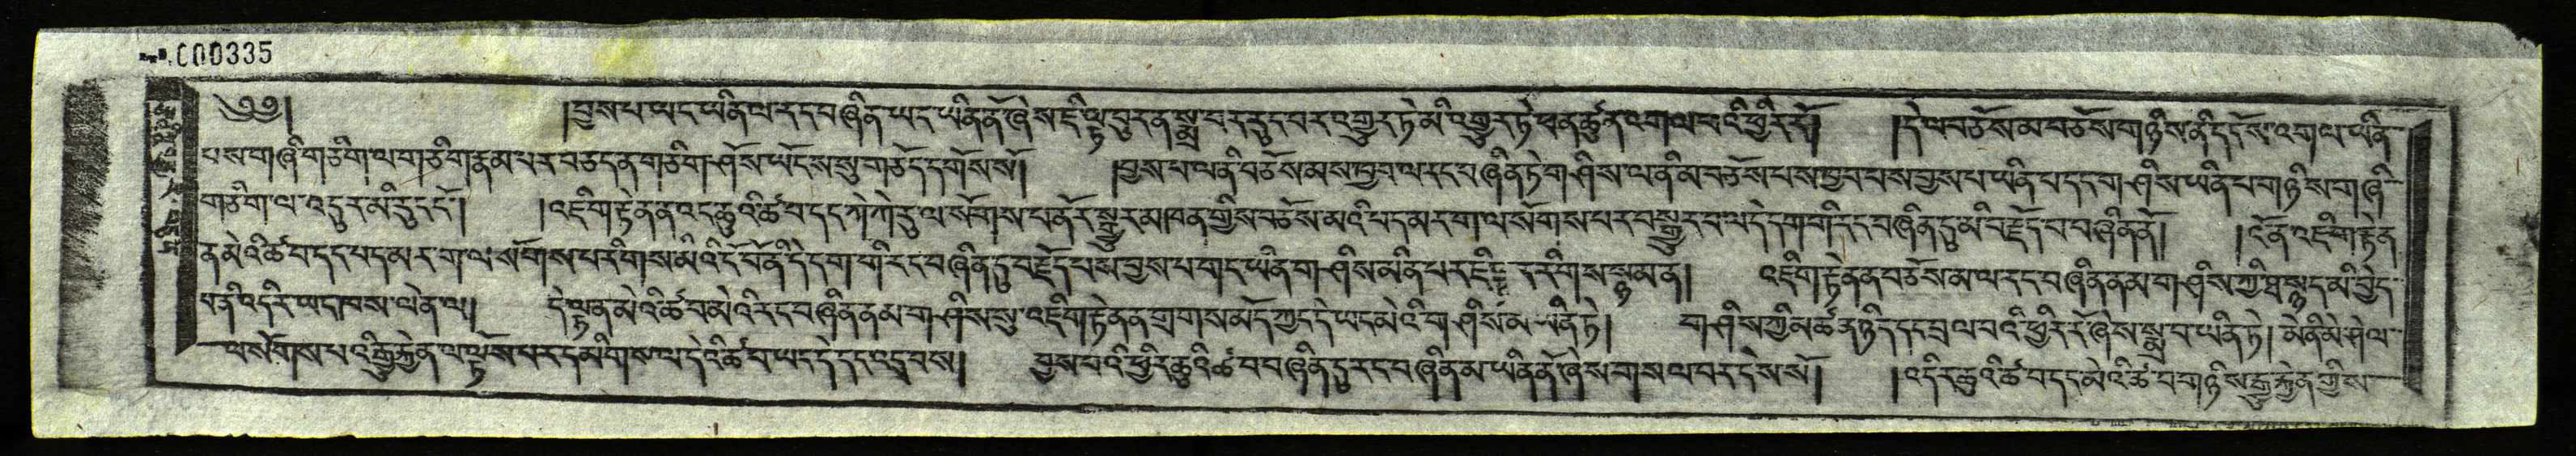༄༅། །བྱས་པ་ཡང་ཡིན་ལ་རང་བཞིན་ཡང་ཡིན་ནོ་ཞེས་ཇི་ལྟ་བུར་ན་སྨྲ་བར་རུང་བར་འགྱུར་ཏེ་མི་འགྱུར་ཏེ་ཕན་ཚུན་འགལ་བའི་ཕྱིར་རོ། །དེ་ལ་བཅོས་མ་བཅོས་གཉིས་ནི་དངོས་འགལ་ཡིན་
པས་གཞི་གཅིག་ལ་གཅིག་རྣམ་པར་བཅད་ན་གཅིག་ཤོས་ཡོངས་སུ་གཅོད་དགོས་སོ། །བྱས་པ་ལ་ནི་བཅོས་མས་ཁྱབ་ལ་རང་བཞིན་ཏེ་གཤིས་ལ་ནི་མ་བཅོས་པས་ཁྱབ་པས་བྱས་པ་ཡིན་པ་དང་གཤིས་ཡིན་པ་གཉིས་གཞི་
གཅིག་ལ་འདུར་མི་རུང་ངོ། །འཇིག་རྟེན་ནའང་ཆུའི་ཚ་བ་དང་ཀེ་ཀེ་རུ་ལ་སོགས་པ་ནོར་སྒྱུར་མཁན་གྱིས་བཅོས་མའི་པད་མར་ག་ལ་སོགས་པར་བསྒྱུར་བ་ལ་དེ་དག་གི་རང་བཞིན་དུ་མི་བརྗོད་པ་བཞིན་ནོ། །འོ་ན་འཇིག་རྟེན་
ན་མེའི་ཚ་བ་དང་པད་མར་ག་ལ་སོགས་པ་རིགས་མིའི་ངོ་བོ་ནི་དེ་དག་གི་རང་བཞིན་དུ་བརྗོད་པས་བྱས་པ་གང་ཡིན་གཤིས་མིན་པར་ཇི་ལྟར་རིགས་སྙམ་ན། འཇིག་རྟེན་ན་བཅོས་མ་ལ་རང་བཞིན་ནམ་གཤིས་ཀྱི་ཐ་སྙད་མི་བྱེད་
པ་ནི་འདིར་ཡང་ཁས་ལེན་ལ། དེ་ལྟ་ན་མེའི་ཚ་བ་མེའི་རང་བཞིན་ནམ་གཤིས་སུ་འཇིག་རྟེན་ན་གྲགས་མོད་ཀྱང་དེ་ཡང་མེའི་གཤིས་མ་ཡིན་ཏེ། གཤིས་ཀྱི་མཚན་ཉིད་དང་བྲལ་བའི་ཕྱིར་རོ་ཞེས་སྨྲ་བ་ཡིན་ཏེ། མེ་ནི་མེ་ཤེལ་
ལ་སོགས་པའི་རྒྱུ་རྐྱེན་ལ་ལྟོས་པར་དམིགས་ལ་དེའི་ཚ་བ་ཡང་དེ་དང་འདྲ་བས། བྱས་པའི་ཕྱིར་ཆུའི་ཚ་བ་བཞིན་དུ་རང་བཞིན་མ་ཡིན་ནོ་ཞེས་གསལ་བར་ངེས་སོ། །འདིར་ཆུའི་ཚ་བ་དང་མེའི་ཚ་བ་གཉིས་རྒྱུ་རྐྱེན་གྱིས་